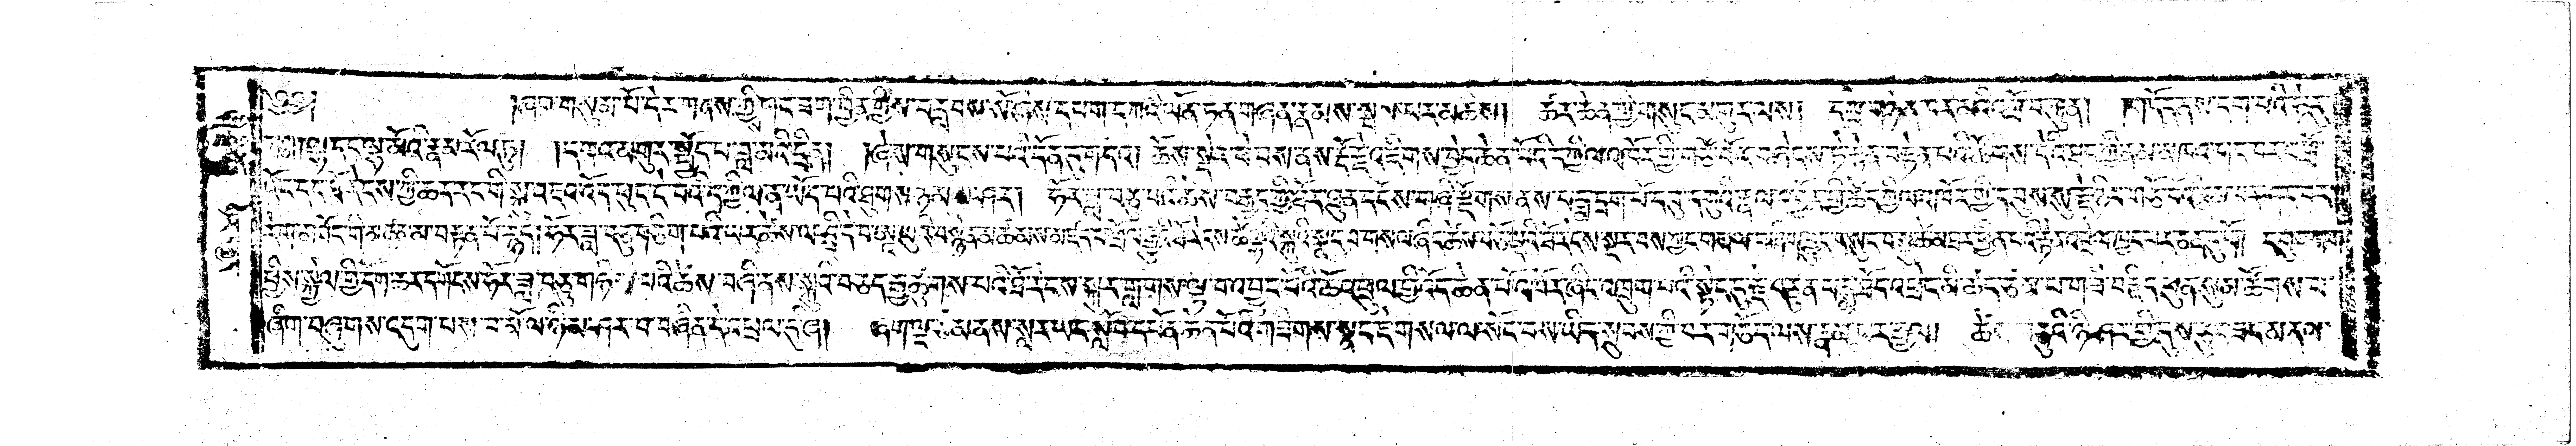༄༅། །ཞག་གསུམ་པོ་དེར་གནས་ཀྱིས་གང་ཟག་བྱིན་གྱིས་བརླབས་སོ་ཞེས་དཔག་དཀའི་ཡོན་ཏན་གཞན་རྣམས་སྦས་པར་མཆིས། ཚར་ཆེན་གྱི་གསུང་མགུར་ལས། དགྲ་གཉེན་བར་མའི་འགྲོ་བ་ཀུན། །གདོད་ནས་དག་པའི་ཧེ་རུ་
ཀཿ། །ལྷ་དང་ལྷ་མོའི་རྣམ་རོལ་ཏུ། །དགའ་མགུར་སྤྱོད་པ་བླ་མའི་དྲིན། །ཞེས་གསུངས་པའི་དོན་དུ་གདའ། ཆོས་སྡེར་ཕེབས་ནས་རྡོ་རྗེ་འཇིགས་བྱེད་ཆེན་པོའི་དཀྱིལ་འཁོར་གྱི་གཙོ་བོར་བཞེངས་ཏེ་རྟེན་བརྟེན་པའི་ཚོགས་དེའི་འཐད་ཀྱི་ནམ་མཁའ་གང་བར་འགྲོ་
འོང་དང་ཐོ་རེངས་ཀྱི་ཆར་རང་གི་སྐུ་འཇའ་འོད་ཕུང་དེ་པའི་དཀྱིལ་ན་ཡོད་བའི་ཐུགས་ཉམས་ཤར། ཧོར་ཟླ་བཅུ་པའི་ཆོས་བརྒྱད་ཀྱི་ཐོར་ཐུན་དངོས་གཞི་རྫོགས་ནས་པདམ་དྲག་པོ་དབུ་དགུའི་རྣལ་འབྱོར་གྱི་ཚེ་དཀྱིལ་འཁོར་གྱི་དབུས་སུ་རྗེ་ཉིད་གཙོ་བོའི་རྣམ་བར་ཤར་བར་
རེག་མཐོང་གི་མཚན་མ་བརྟན་པོ་རྙེད། ཧོར་ཟླ་བཅུ་གཅིག་པའི་ཡར་ཚེས་ལ་ཤྲཱི་དེ་བ་ཨཱ་ཡུའི་བསྙེན་མཚམས་མཛད་པ་གྲོལ་རྒྱུའི་ཐོ་རེངས་ཚེ་ལྷའི་སྐུའི་སྣང་བ་གསལ་ཞིང་ཚེས་བཅོ་ལྔའི་ཐོ་རེངས་སྔར་བས་ཀྱང་གསལ་གཞིག་བྱུང་གསུང་བསྐུ་ཚེ་མཐར་ཕྱིན་པའི་རྟེན་འབྲེལ་ཁྱད་པར་ཅན་དུ་གོ། དགུང་ཀག་
ཕྱིས་སྐྱེལ་གྱི་དོག་ཆར་དགོངས་ཧོར་ཟླ་བཅུ་གཉིས་པའི་ཚེས་བཞི་ནས་སྐུའི་བཅད་རྒྱ་ཚུགས་པའི་ཐོ་རེངས་སྐུར་གླགས་ལྟ་བ་འབྱུང་པོའི་ཆེ་འཕྲུལ་གྱི་འོད་ཆེན་པོ་འཁོར་ཞིང་འཁྲུག་པའི་སྟེང་དུ་རྗེ་བཙུན་པདམ་ཐོད་འཕྲེང་མི་ཚད་ཙམ་པ་གཟི་བརྗིད་ཕུན་སུམ་ཚོགས་པ་
ཞིག་བཞུགས་འདུག་པས་བ་མོ་ལ་ཉི་མ་ཤར་བ་བཞིན་དེ་འཕྲལ་དུ་ཞི། ཞག་ལྔ་ཙམ་ནས་སླར་ཡང་སློབ་དཔོན་ཆེན་པོའི་གཟིགས་སྣང་?་ཇེ་གསལ་ལ་སོང་བས་ཡིད་སྲུབས་ཀྱི་བར་གཅོད་ལས་རྣམ་པར་རྒྱལ། ཚེས་བཅུའི་ཉི་ཤར་གྱི་དུས་ཅུང་ཟད་མནལ་